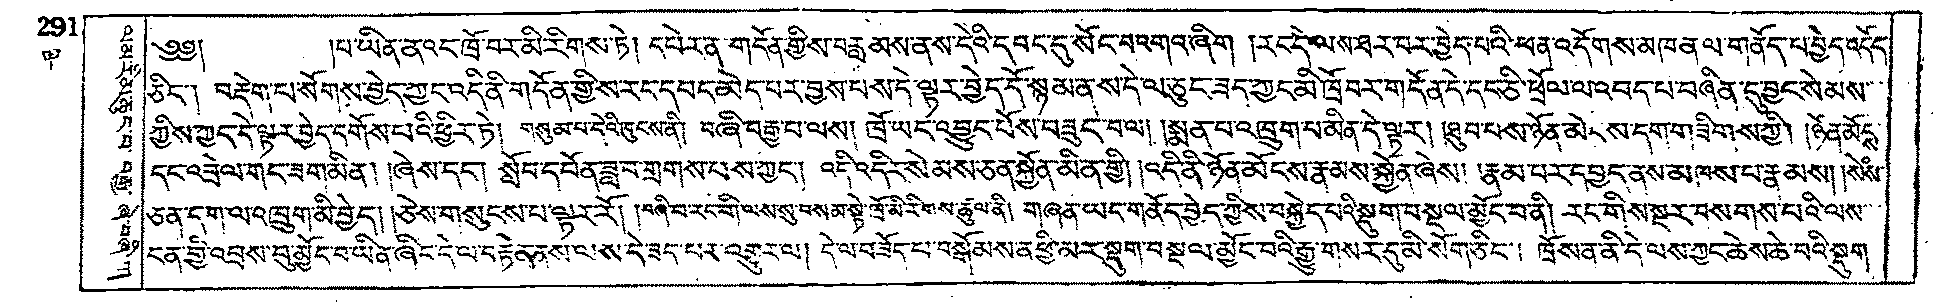༄༅། །པ་ཡིན་ནའང་ཁྲོ་བར་མི་རིགས་ཏེ། དཔེར་ན་གདོན་གྱིས་བརླམས་ནས་དེའི་དབང་དུ་སོང་བ་འགའ་ཞིག །རང་དེ་ལས་ཐར་པར་བྱེད་པའི་ཕན་འདོགས་མཁན་ལ་གནོད་པ་བྱེད་འདོད་
ཅིང་། བརྡེག་པ་སོགས་བྱེད་ཀྱང་འདི་ནི་གདོན་གྱིས་རང་དབང་མེད་པར་བྱས་པས་དེ་ལྟར་བྱེད་དོ་སྙམ་ནས་དེ་ལ་ཅུང་ཟད་ཀྱང་མི་ཁྲོ་བར་གདོན་དེ་དང་ཅི་ཕྲོལ་ལ་འབད་པ་བཞིན་དུ་བྱང་སེམས་
ཀྱིས་ཀྱང་དེ་ལྟར་བྱེད་དགོས་པའི་ཕྱིར་ཏེ། གསུམ་པ་དེའི་ཁུངས་ནི།  བཞི་བརྒྱ་པ་ལས། ཁྲོ་ཡང་འབྱུང་པོས་བཟུང་བ་ལ། །སྨན་པ་འཁྲུག་པ་མིན་དེ་ལྟར། །ཐུབ་པས་ཉོན་མོངས་དག་གཟིགས་ཀྱི། །ཉོན་མོངས་
དང་འབྲེལ་གང་ཟག་མིན། །ཞེས་དང་། སློབ་དཔོན་ཟླ་བ་གྲགས་པས་ཀྱང་། འདི་འདིར་སེམས་ཅན་སྐྱོན་མིན་གྱི། །འདི་ནི་ཉོན་མོངས་རྣམས་སྐྱོན་ཞེས། །རྣམ་པར་དཔྱད་ནས་མཁས་པ་རྣམས། །སེཾས་
ཅན་དག་ལ་འཁྲུག་མི་བྱེད། ཅེས་གསུངས་པ་ལྟར་རོ། །བཞི་པ་རང་གི་ལས་སུ་བསམ་སྟེ་ཁྲོ་མི་རིགས་ཚུལ་ནི།  གཞན་ཡང་གནོད་བྱེད་ཀྱིས་བསྐྱེད་པའི་སྡུག་བསྔལ་མྱོང་བ་ནི། རང་གིས་སྔར་བསགས་པའི་ལས་
ངན་གྱི་འབྲས་བུ་མྱོང་བ་ཡིན་ཞིང་དེ་ལ་བརྟེན་ནས་ལས་དེ་ཟད་པར་འགྱུར་ལ། དེ་ལ་བཟོད་པ་བསྒོམས་ན་ཕྱི་མར་སྡུག་བསྔལ་མྱོང་བའི་རྒྱུ་གསར་དུ་མི་སོག་ཅིང་། ཁྲོས་ན་ནི་དེ་ལས་ཀྱང་ཆེས་ཆེ་བའི་སྡུག་